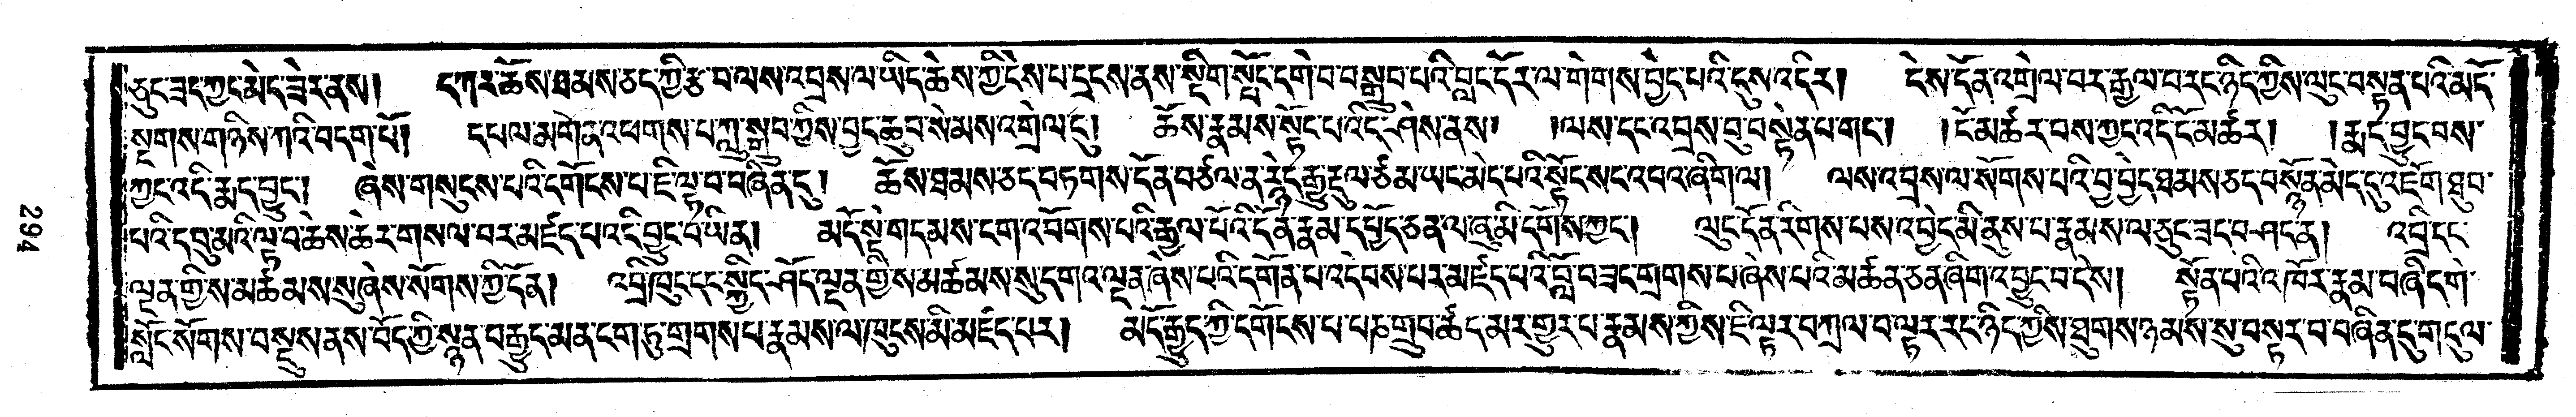ཅུང་ཟད་ཀྱང་མེད་ཟེར་ནས། དཀར་ཆོས་ཐམས་ཅད་ཀྱི་རྩ་བ་ལས་འབྲས་ལ་ཡིད་ཆེས་ཀྱི་ངེས་པ་དྲངས་ནས་སྡིག་སྤོང་དགེ་བ་བསྒྲུབ་པའི་བླང་དོར་ལ་གེགས་བྱེད་པའི་དུས་འདིར། ངེས་དོན་འགྲེལ་བར་རྒྱལ་བ་རང་ཉིད་ཀྱིས་ལུང་བསྟན་པའི་མདོ་
སྔགས་གཉིས་ཀའི་བདག་པོ། དཔལ་མགོན་འཕགས་པ་ཀླུ་སྒྲུབ་ཀྱིས་བྱང་ཆུབ་སེམས་འགྲེལ་དུ། ཆོས་རྣམས་སྟོང་པ་འདི་ཤེས་ནས། །ལས་དང་འབྲས་བུ་བསྟེན་པ་གང་། །ངོ་མཚར་བས་ཀྱང་འདི་ངོ་མཚར། །རྨད་བྱུང་བས་
ཀྱང་འདི་རྨད་བྱུང་། ཞེས་གསུངས་པའི་དགོངས་པ་ཇི་ལྟ་བ་བཞིན་དུ། ཆོས་ཐམས་ཅད་བཏགས་དོན་བཙལ་ན་རྙེད་རྒྱུ་རྡུལ་ཙམ་ཡང་མེད་པའི་སྟོང་སང་འབའ་ཞིག་ལ། ལས་འབྲས་ལ་སོགས་པའི་བྱ་བྱེད་ཐམས་ཅད་བསྙོན་མེད་དུ་འཇོག་ཐུབ་
པའི་དབུ་མའི་ལྟ་བ་ཆེས་ཆེར་གསལ་བར་མཛད་པ་འདི་བྱུང་བ་ཡིན། མདོ་སྡེ་གདམས་ངག་འབོགས་པའི་རྒྱལ་པོའི་དོན་རྣམ་དཔྱོད་ཅན་ལ་ཞུ་མི་དགོས་ཀྱང་། ལུང་དོན་རིགས་པས་འབྱེད་མི་ནུས་པ་རྣམས་ལ་ཅུང་ཟད་བཤད་ན། འབྲི་དང་
ལྡན་གྱི་ས་མཚམས་སུ་ཞེས་སོགས་ཀྱི་དོན། འབྲི་ཁུང་དང་སྐྱིད་ཤོད་ལྡན་གྱི་ས་མཚམས་སུ་དགའ་ལྡན་ཞེས་པའི་དགོན་པ་འདེབས་པར་མཛད་པའི་བློ་བཟང་གྲགས་པ་ཞེས་པའི་མཚན་ཅན་ཞིག་འབྱུང་བ་དེས། སྟོན་པའི་འཁོར་རྣམ་བཞི་དགེ་
སློང་སོགས་བསྡུས་ནས་བོད་ཀྱི་སྙན་བརྒྱུད་མན་ངག་ཏུ་གྲགས་པ་རྣམས་ལ་ཁུངས་མི་མཛད་པར། མདོ་རྒྱུད་ཀྱི་དགོངས་པ་པཎ་གྲུབ་ཚད་མར་གྱུར་པ་རྣམས་ཀྱིས་ཇི་ལྟར་བཀྲལ་བ་ལྟར་རང་ཉིད་ཀྱིས་ཐུགས་ཉམས་སུ་བསྟར་བ་བཞིན་དུ་གདུལ་